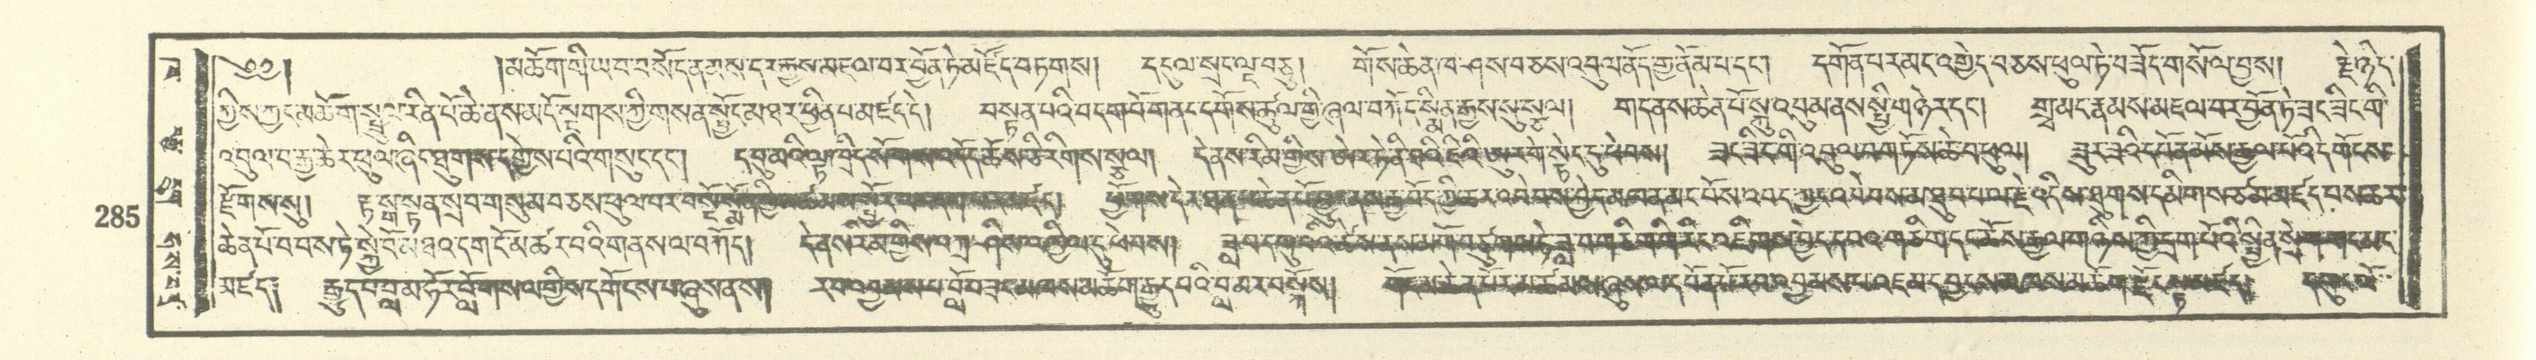༄༅། །མཆོག་གི་ཡབ་བསོད་ནམས་དར་རྒྱས་མཇལ་བར་བྱོན་ཏེ་མཛོད་བཏགས། དངུལ་སྲང་ལྔ་བཅུ། གོས་ཆེན་ཁ་ཤས་བཅས་འབུལ་ནོད་གྱ་ནོམ་པ་དང་། དགོན་པར་མང་འགྱེད་བཅས་ཕུལ་ཏེ་བཟོད་གསོལ་བྱས། རྗེ་ཉིད་
ཀྱིས་ཀྱང་མཆོག་སྤྲུལ་རིན་པོ་ཆེ་ནས་མདོ་སྔགས་ཀྱི་གསན་སྦྱོང་མཐར་ཕྱིན་པ་མཛད་དེ། བསྟན་པའི་བདག་པོ་གནང་དགོས་ཚུལ་གྱི་ཞལ་བཀོད་སྨིན་རྒྱས་སུ་སྩལ། གདན་ས་ཆེན་པོ་སྐུ་འབུམ་ནས་སྤྱི་གཉེར་དང་། གྲྭ་མང་རྣམས་མཇལ་བར་བྱོན་ཏེ་ཟང་ཟིང་གི་
འབུལ་བ་རྒྱ་ཆེར་ཕུལ་ཞིང་ཐུགས་དགྱེས་པའི་གསུང་དང་། དབུ་མའི་ལྟ་ཁྲིད་སོགས་འདོད་ཆོས་ཅི་རིགས་སྩལ། དེ་ནས་རིམ་གྱིས་ཨེར་ཏེ་ནི་ཐའི་ཇིའི་ཨུར་གེ་སྟེང་དུ་ཕེབས། ཟང་ཟིང་གི་འབུལ་བ་གཏོས་ཆེ་བ་ཕུལ། ཟུར་ཟའི་དཔོན་མོས་རྒྱལ་པོའི་དགོངས་
རྫོགས་སུ། རྟ་སྒ་སྟན་སྲབ་གསུམ་བཅས་ཕུལ་བར་བསྔོ་སྨོན་གྱི་མཚམས་སྤྱོར་ཡང་དག་པར་མཛད། ཕྱོགས་དེར་ཐན་པ་ཆེན་པོ་བྱུང་ནས་རྒྱ་བོད་ཀྱི་ཆར་འབེབས་བྱེད་མཁན་མང་པོས་འབད་ཀྱང་འབེབས་མ་ཐུབ་པ་ལ་རྗེ་འདིས་ཐུགས་དམིགས་ཙམ་མཛད་པས་ཆར་
ཆེན་པོ་བ་བས་ཏེ་སྐྱེ་བོ་མཐའ་དག་ངོ་མཚར་བའི་གནས་ལ་བཀོད། དེ་ནས་རིམ་གྱིས་བཀྲ་ཤིས་འཁྱིལ་དུ་ཕེབས། ཟླ་བ་དགུ་པའི་ཚེས་ནས་མགོ་བཙུགས་ཏེ་ཟླ་བ་གཅིག་གི་རིང་འཇིགས་བྱེད་དཔའ་གཅིག་དང་ཆོས་རྒྱལ་གཉིས་ཀྱི་དྲག་པོའི་སྦྱིན་སྲེག་གང་མང་
མཛད༑ རྒྱུད་པ་བླ་མ་ཧོར་བློ་གསལ་གྱིས་དགོངས་པ་ཞུས་ནས། རབ་འབྱམས་པ་བློ་བཟང་མཁས་མཆོག་རྒྱུད་པའི་བླ་མར་བསྐོས། གོང་མ་ཆེན་པོར་མཚམས་ཞུས་ལ་དཔོན་པོ་རབ་འབྱམས་པ་འཇམ་དབྱངས་མཁས་མཆོག་རྫོང་སྟ་མཛད། དགུང་ལོ་